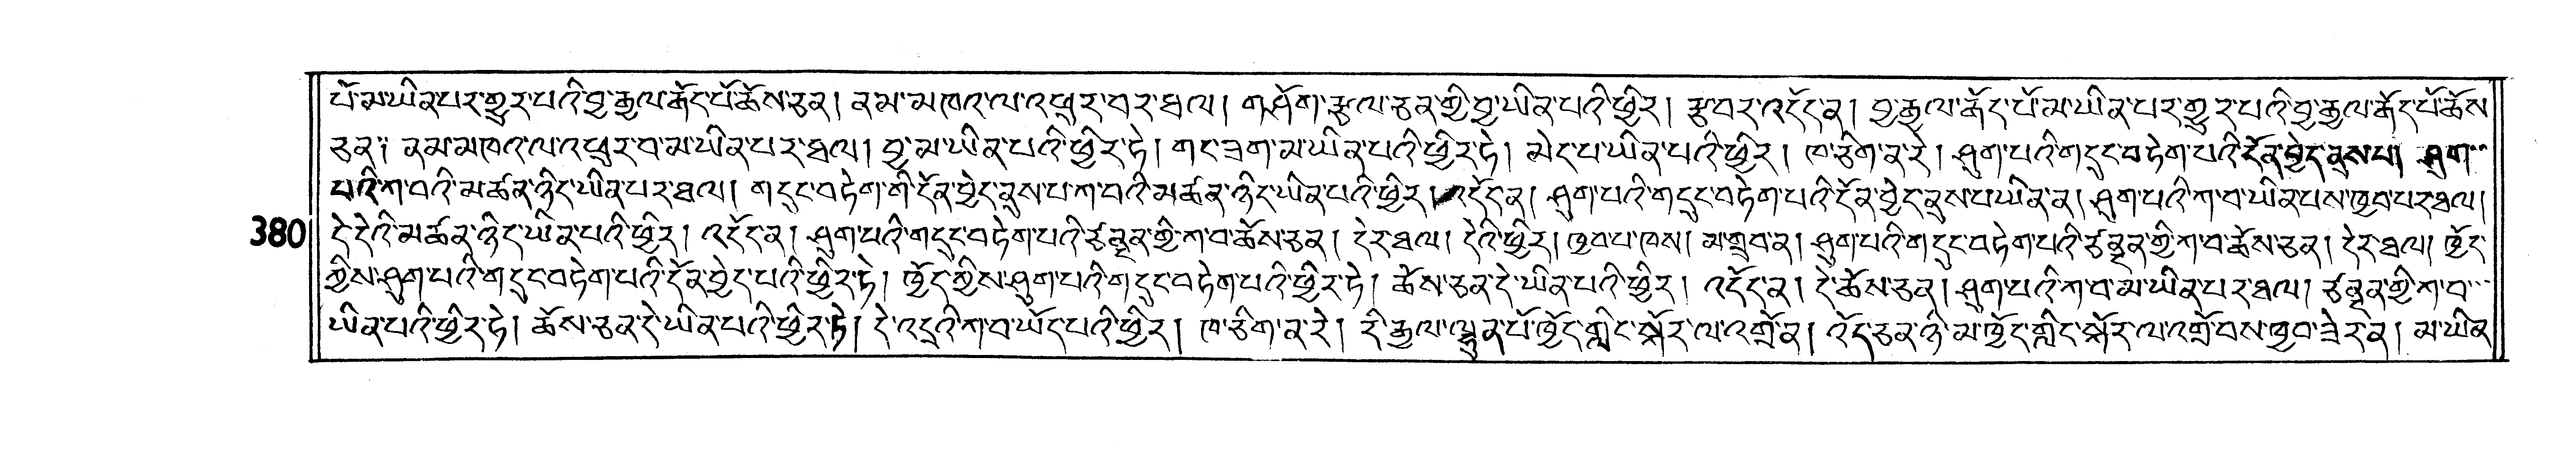པོ་མ་ཡིན་པར་གྱུར་པའི་བྱ་རྒྱལ་རྒོད་པོ་ཆོས་ཅན། ནམ་མཁའ་ལ་འཕུར་བར་ཐལ། གཤོག་རྩ་ལ་ཅན་གྱི་བྱ་ཡིན་པའི་ཕྱིར། རྩ་བར་འདོད་ན། བྱ་རྒྱལ་རྒོད་པོ་མ་ཡིན་པར་གྱུར་པའི་བྱ་རྒྱལ་རྒོད་པོ་ཆོས་
ཅན༑ ནམ་མཁའ་ལ་འཕུར་བ་མ་ཡིན་པར་ཐལ། བྱ་མ་ཡིན་པའི་ཕྱིར་ཏེ། གང་ཟག་མ་ཡིན་པའི་ཕྱིར་ཏེ། མེད་པ་ཡིན་པའི་ཕྱིར། ཁ་ཅིག་ན་རེ། ཤུག་པའི་གདུང་བཏེག་པའི་དོན་བྱེད་ནུས་པ། ཤུག་
པའི་ཀ་བའི་མཚན་ཉིད་ཡིན་པར་ཐལ། གདུང་བཏེག་གི་དོན་བྱེད་ནུས་པ་ཀ་བའི་མཚན་ཉིད་ཡིན་པའི་ཕྱིར། འདོད་ན། ཤུག་པའི་གདུང་བཏེག་པའི་དོན་བྱེད་ནུས་པ་ཡིན་ན། ཤུག་པའི་ཀ་བ་ཡིན་པས་ཁྱབ་པར་ཐལ།
དེ་དེའི་མཚན་ཉིད་ཡིན་པའི་ཕྱིར། འདོད་ན། ཤུག་པའི་གདུང་བཏེག་པའི་ཙནྡན་གྱི་ཀ་བ་ཆོས་ཅན། དེར་ཐལ། དེའི་ཕྱིར། ཁྱབ་པ་ཁས། མ་གྲུབ་ན། ཤུག་པའི་གདུང་བཏེག་པའི་ཙནྡན་གྱི་ཀ་བ་ཆོས་ཅན། དེར་ཐལ། ཁྱོད་
ཀྱིས་ཤུག་པའི་གདུང་བཏེག་པའི་དོན་བྱེད་པའི་ཕྱིར་ཏེ། ཁྱོད་ཀྱིས་ཤུག་པའི་གདུང་བ་བཏེག་པའི་ཕྱིར་ཏེ། ཆོས་ཅན་དེ་ཡིན་པའི་ཕྱིར། འདོད་ན། དེ་ཆོས་ཅན། ཤུག་པའི་ཀ་བ་མ་ཡིན་པར་ཐལ། ཙནྡན་གྱི་ཀ་བ་
ཡིན་པའི་ཕྱིར། ཆོས་ཅན་དེ་ཡིན་པའི་ཕྱིར་ཏེ། དེ་འདྲའི་ཀ་བ་ཡིན་པའི་ཕྱིར། ཁ་ཅིག་ན་རེ། རི་རྒྱལ་ལྷུན་པོ་ཁྱོད་གླིང་སྐོར་ལ་འགྲོ་ན། འོད་ཅན་ཉི་མ་ཁྱོད་གླིང་ལ་འགྲོ་བས་ཁྱབ་ཟེར་ན། མ་ཡིན་